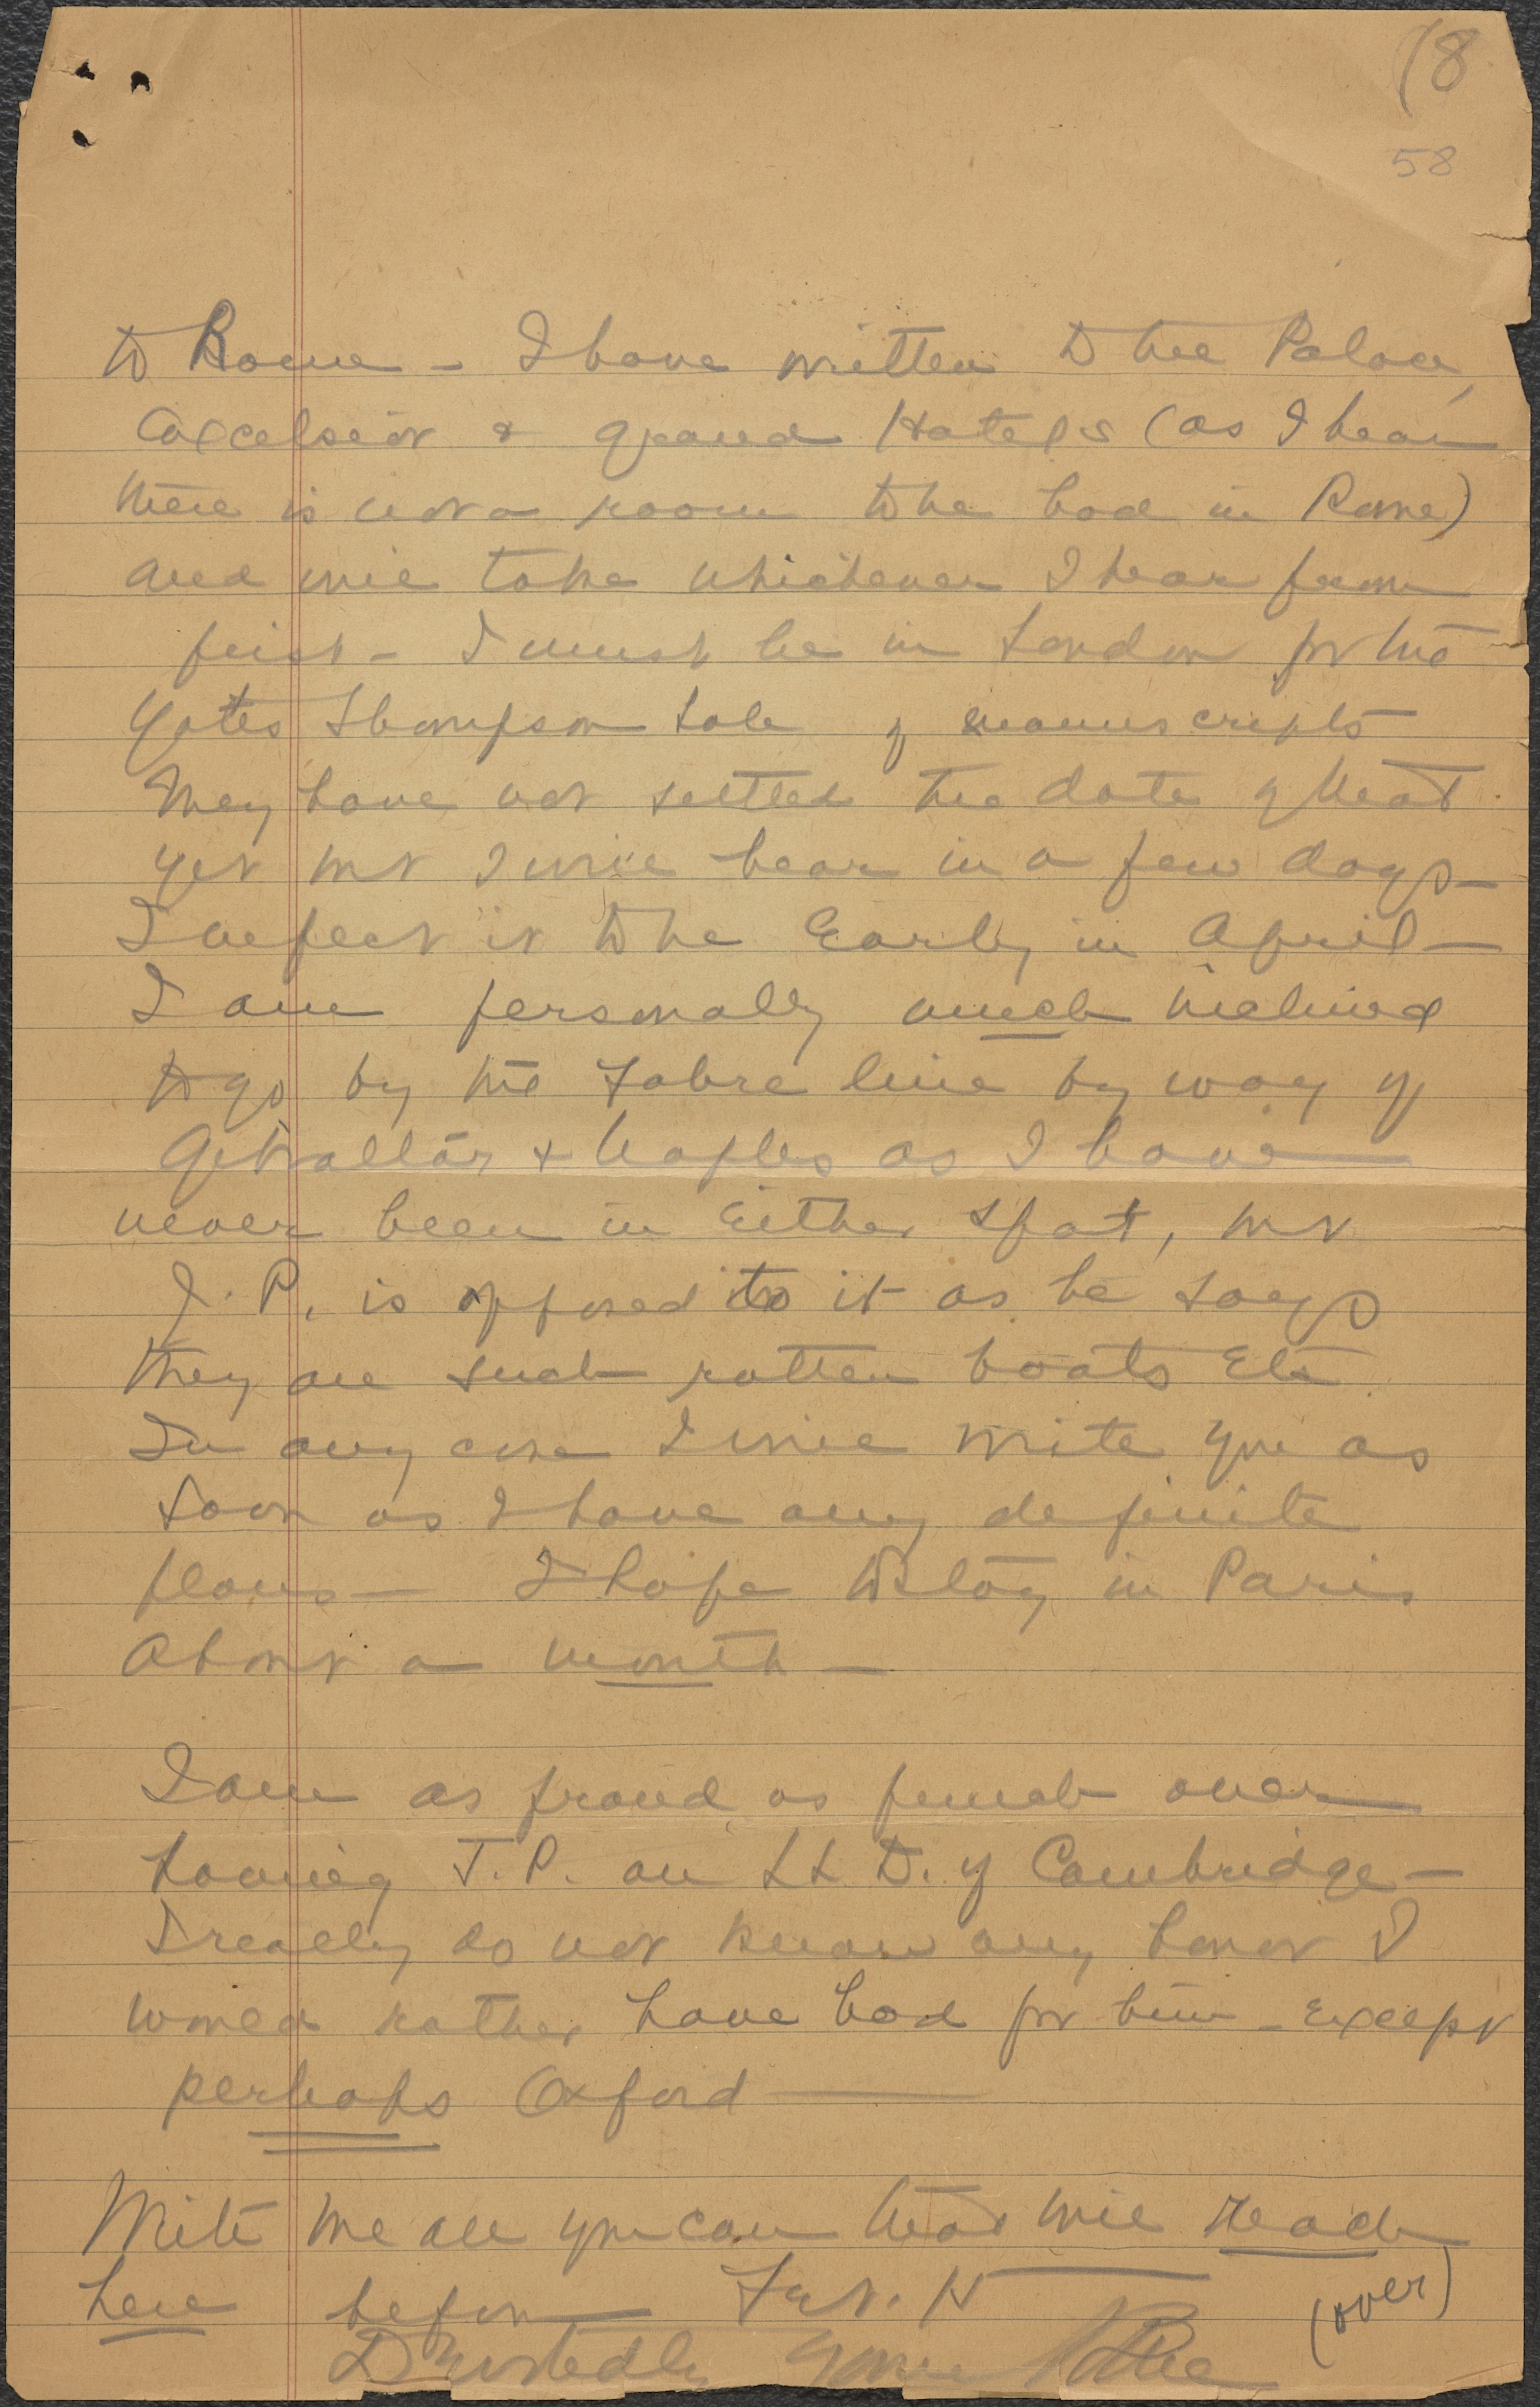to Rome – I have written to the Palace, Excelsior & Grand Hotels (as I hear there is not a room to be had in Rome) and will take whichever I hear from first – I must be in London for the Yates Thomspon sale of manuscripts They have not settled the date of that yet but I will hear in a few days – I expect it to be early in April – I am personally much inclined to go by the Fabre line by way of Gibraltar & Naples as I have never been in either spot, but J.P. is opposed to it as he says they are such rotten boats etc. In any case I will write you as soon as I have any definite plans – I hope to stay in Paris about a month –
I am as proud as punch over having J.P. an LLD. of Cambridge – I really do not know any honor I would rather have had for him – except [underlined twice: perhaps] Oxford –
Write me all you can that will reach here before Fev. 15
Devotedly Yours,
Belle
(over)